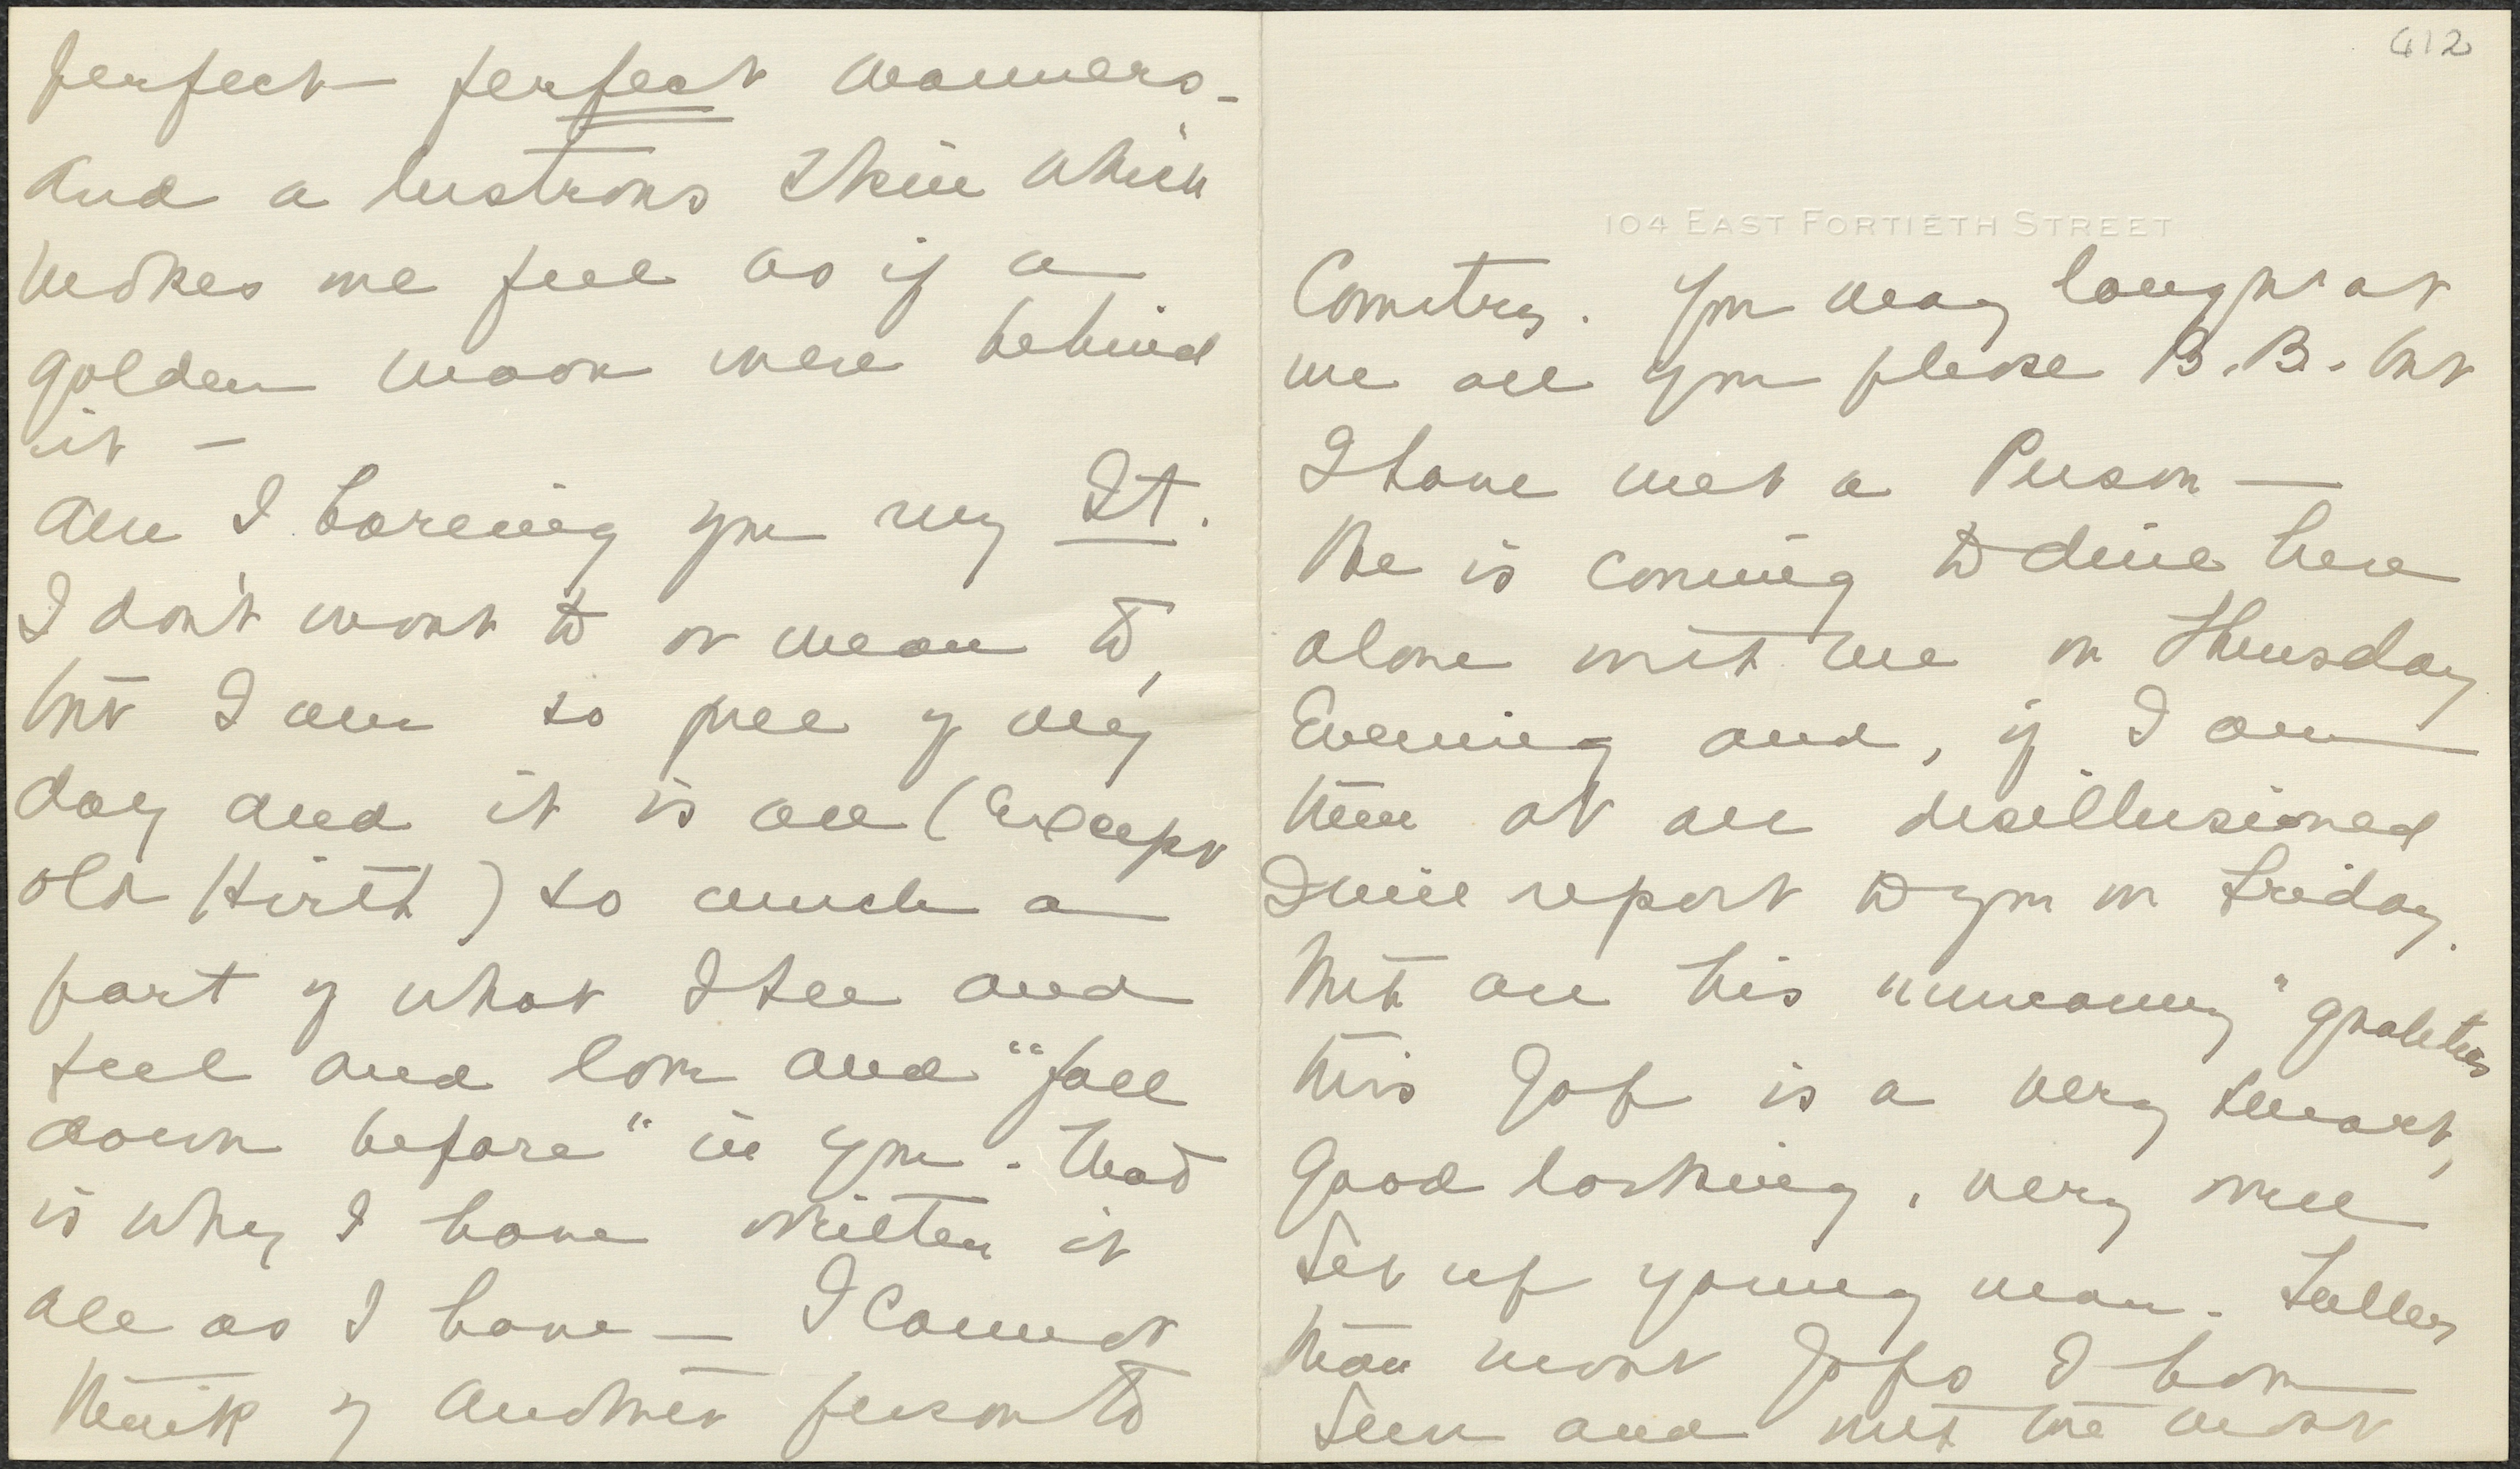country. You may laugh at me all you please B.B. but I have met a Person – he is coming to dine here alone with me on Thursday evening and, if I am then at all disillusioned I will report to you on Friday. With all his “uncanny” qualities this Jap is a very smart, good looking, very well set up young man. Taller than most Japs I have seen and with the most
perfect [double underlined: perfect] manners – and a lustrous skin which makes me feel as if a golden moon were behind it – am I boreing [sic] you my It. I don’t want to or mean to, but I am so full of my day and it is all (except old Hirth) so much a part of what I see and feel and love and “fall down before” in you. That is why I have written it all as I have – I cannot think of another person to